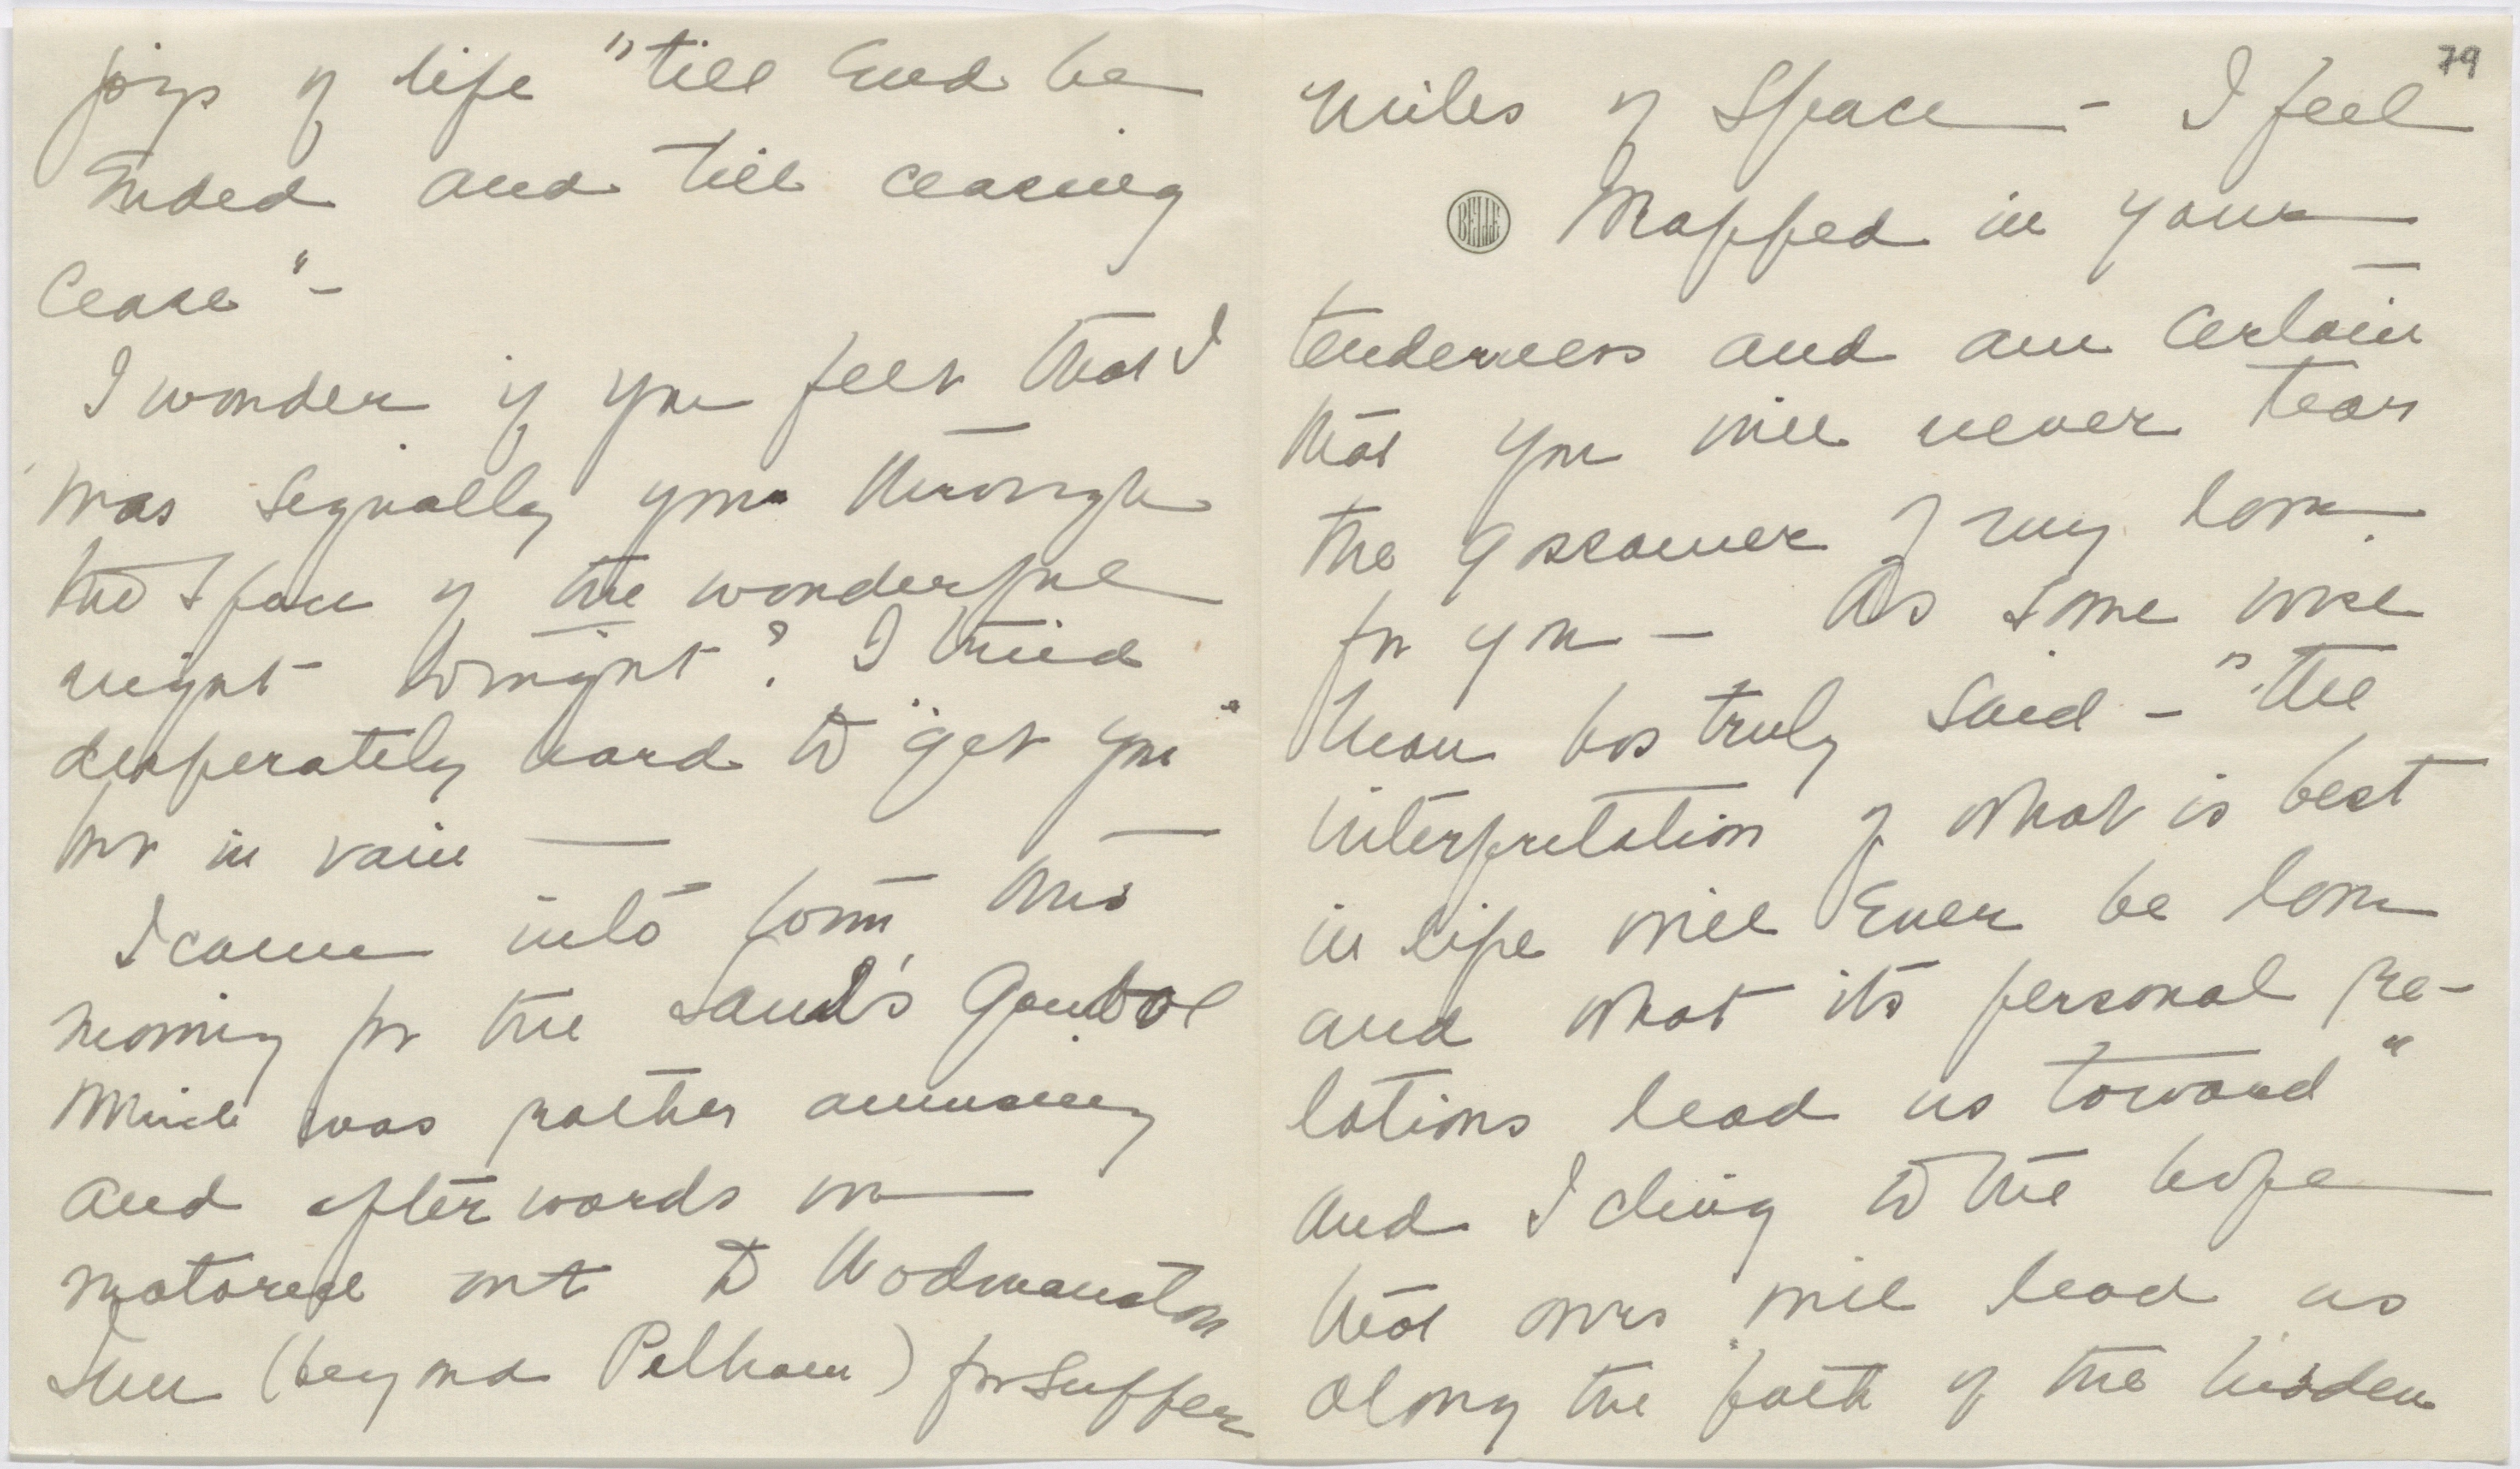miles of space – I feel wrapped in your tenderness and am certain that you will never tear the gossamer of my love for you – As some wise beau has truly said – “the interpretation of what is best in life will ever be love and what its personal relations lead us toward” and I cling to the hope that ours will lead us along the path of the hidden
joys of life “till end be ended and till ceasing cease” –
I wonder if you felt that I was signally [sic] you through the space of the wonderful night tonight? I tried desperately hard to “get you” but in vain –
I came into town this morning for the Sands’ Gambol which was rather amusing and after wards was motored out to Wodmanston [sic] Inn (beyond Pelham) for supper